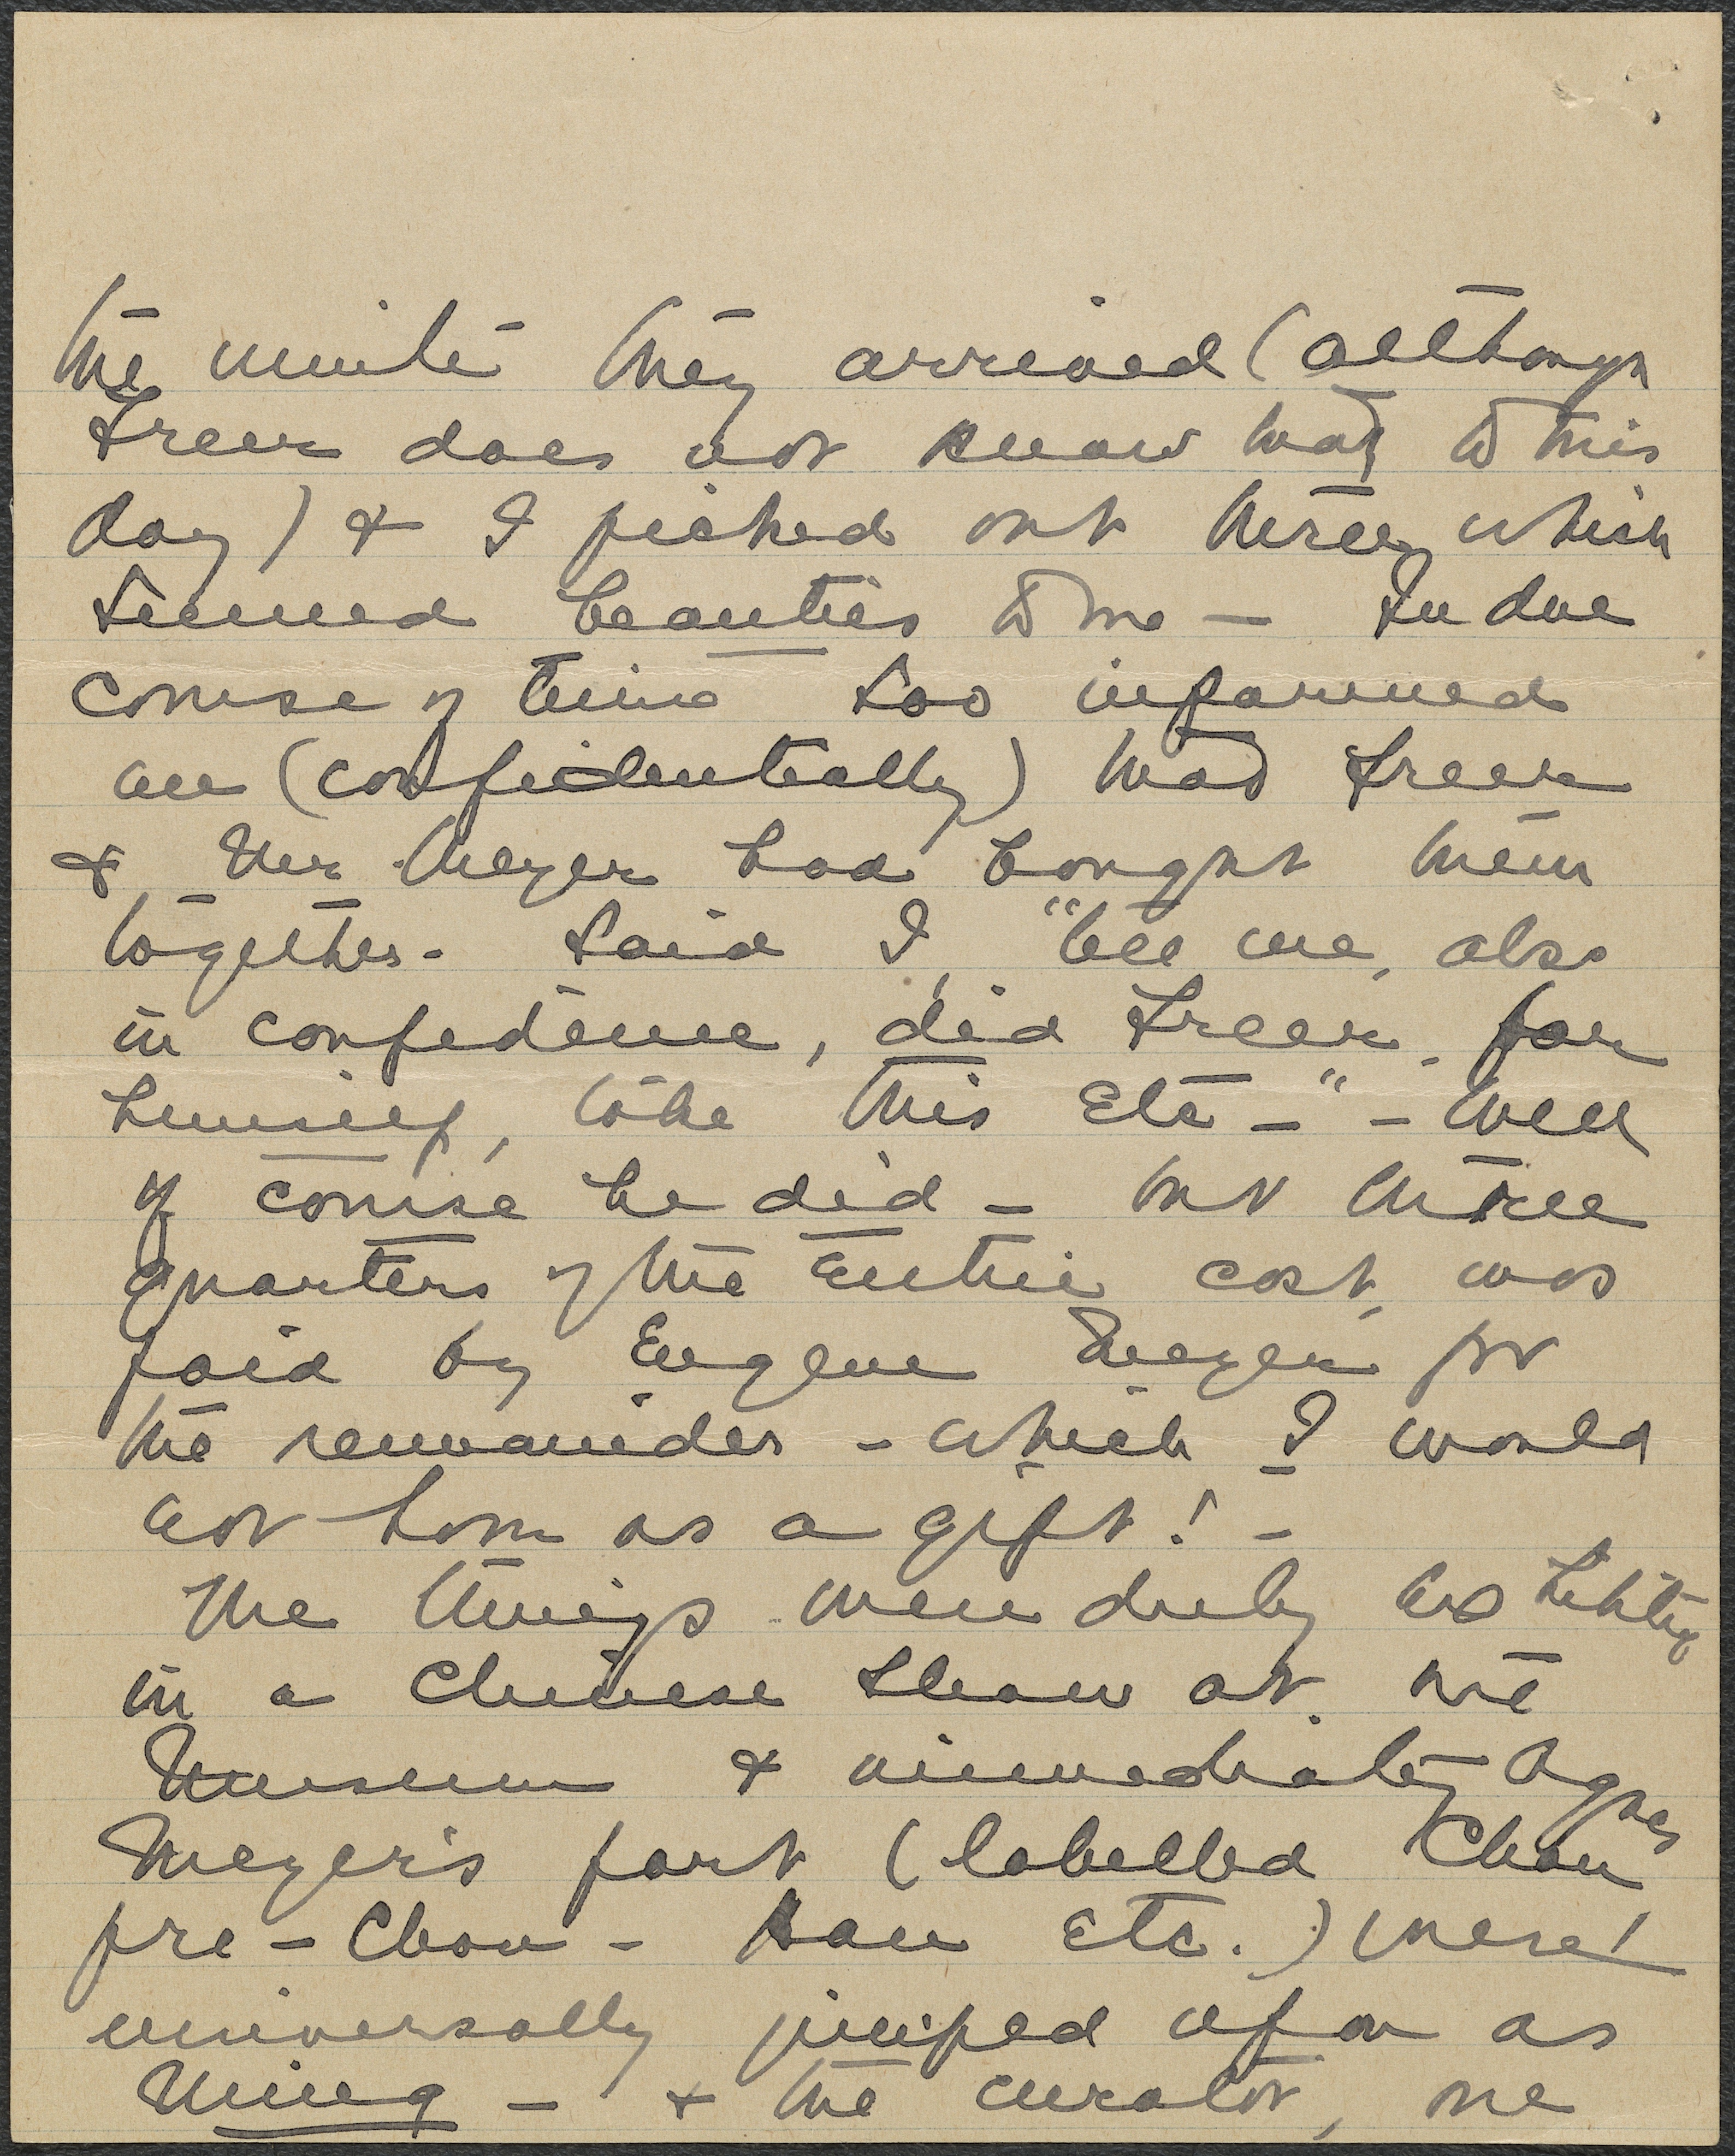the minute they arrived (although Freer does not know that to this day) & I picked out three which seemed beauties to me – In due course of their Loo informed me (confidentially) that Freer & Mr. Meyer had bought them together – said I “tell me, also in confidence, did Freer, for himself, like this etc –” – well of course he did – but three quarters of the entire cost was paid by Eugene Meyer for the remainder – which I would not have as a gift! –
The things were duly exhibited in a Chinese show at the Museum & immediately Agnes Meyer’s part (labelled Chan, pre-Chan – Han etc.) were universally jumped upon as Ming – & the curator, one